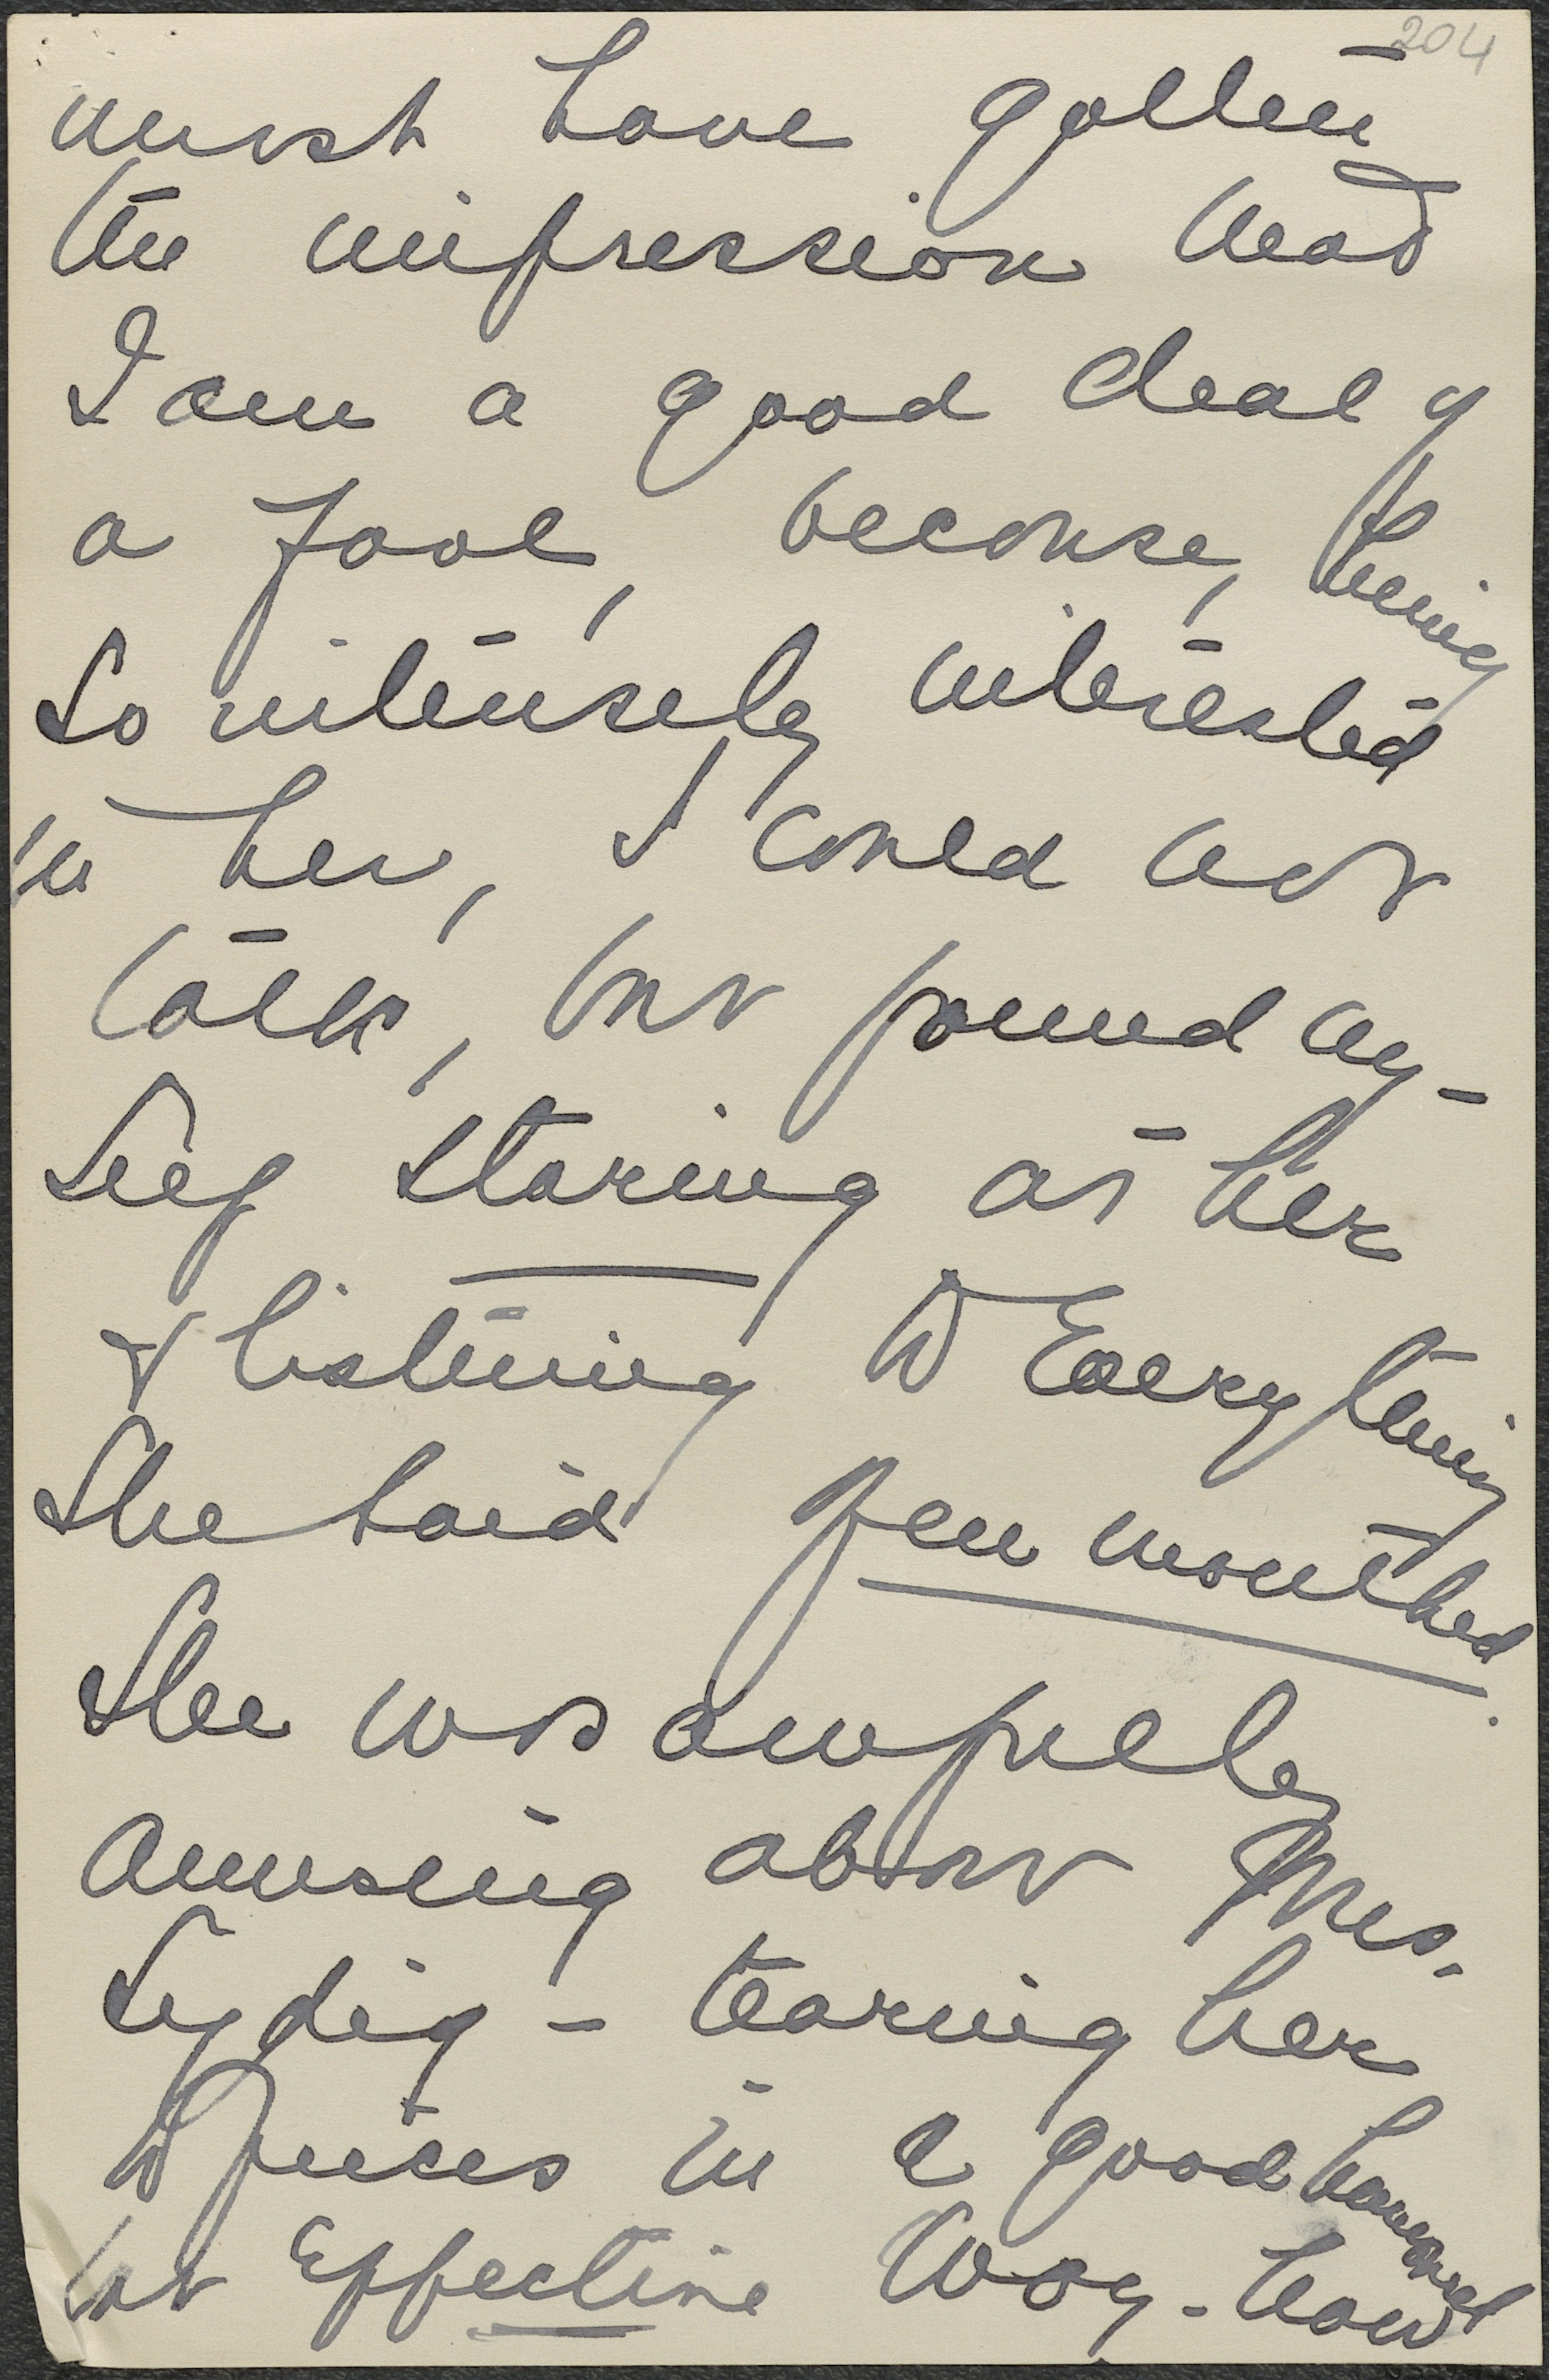must have gotten the impression that I am a good deal of a fool, because, being so intensely interested in her, I could not talk, but found myself staring at her & listening to everything she said open mouthed. She was awfully amusing about Mrs. Lydig – tearing her to pieces in a good humoured but effective way – now